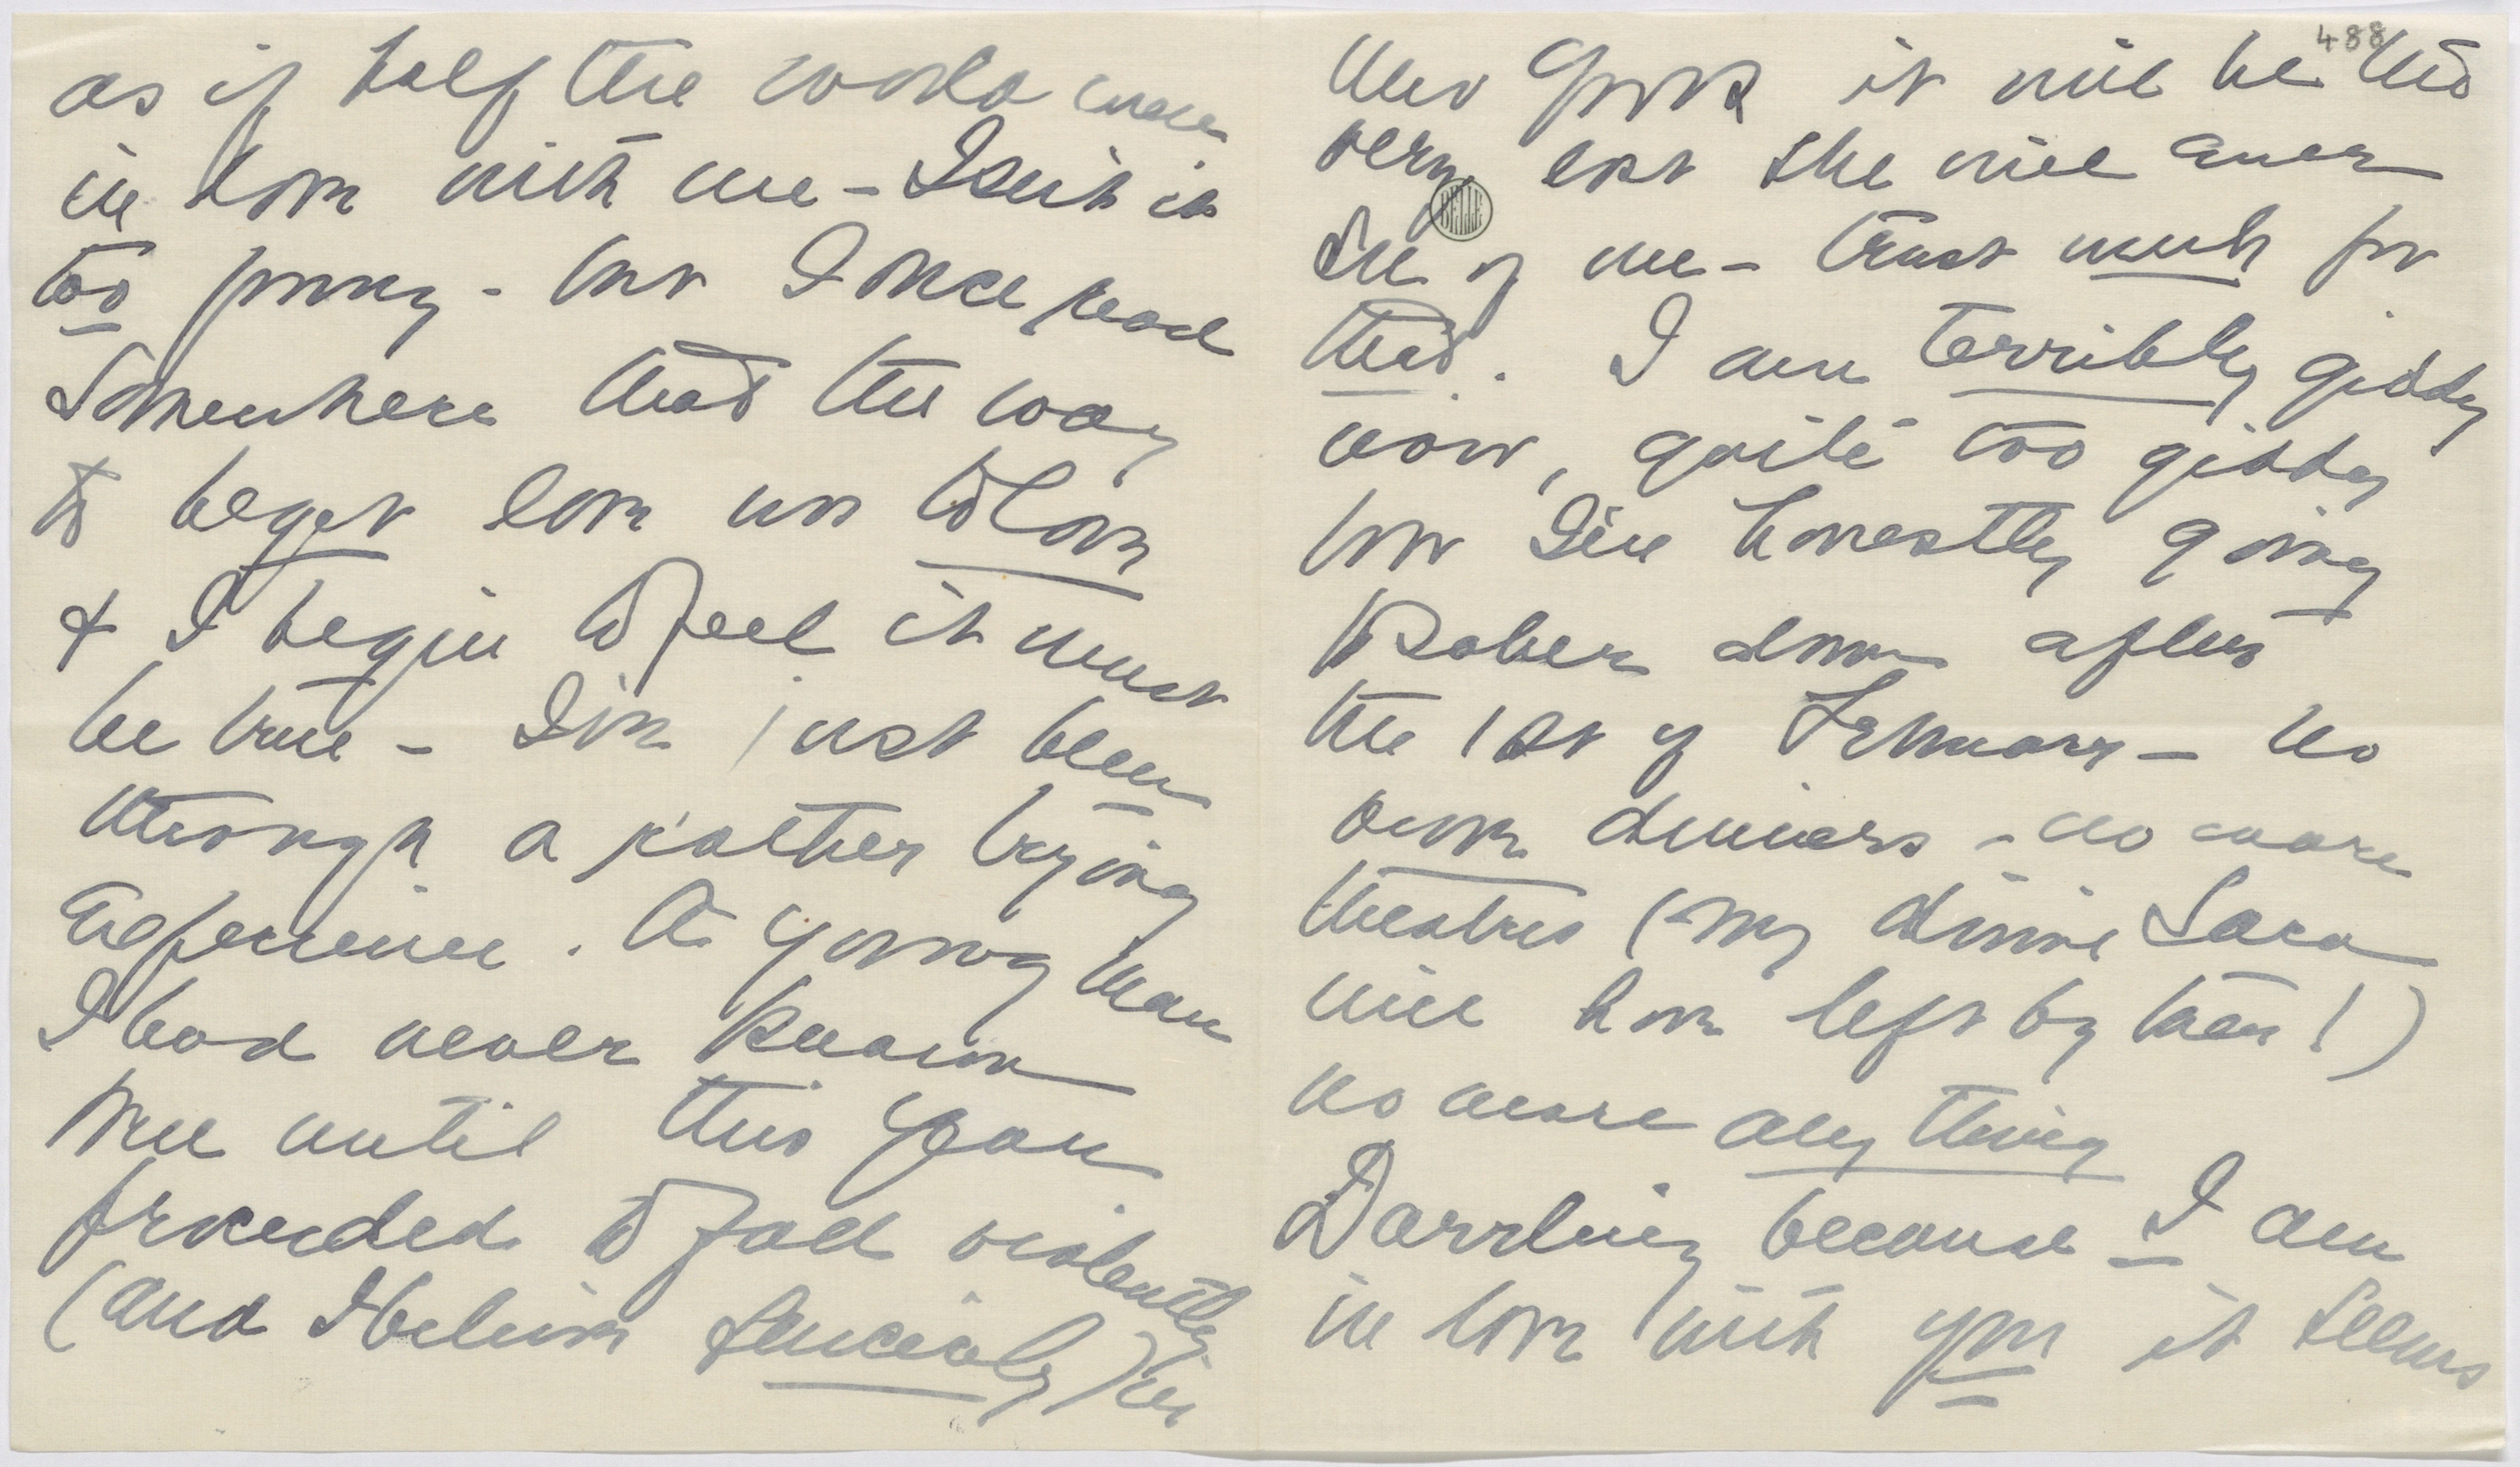New York it will be the very last she will ever see of me – trust muh [?] for that. I am terribly giddy now, quite too giddy but I’m honestly going to sober down after the 1st of Febuary [sic] – no more dinners – no more theatres (my divine Sara will have left by then!) no more any thing
Daarrling because I am in love with [double underlined: you] it seems
as if half the world were in love with me – Isn’t it too funny – but I once read somewhere that the way to beget love was to love & to begin to feel it must be true – I’ve just been through a rather trying experience. A young man I had never known well until this year proceeded to fall violently (and I believe sincerely) in